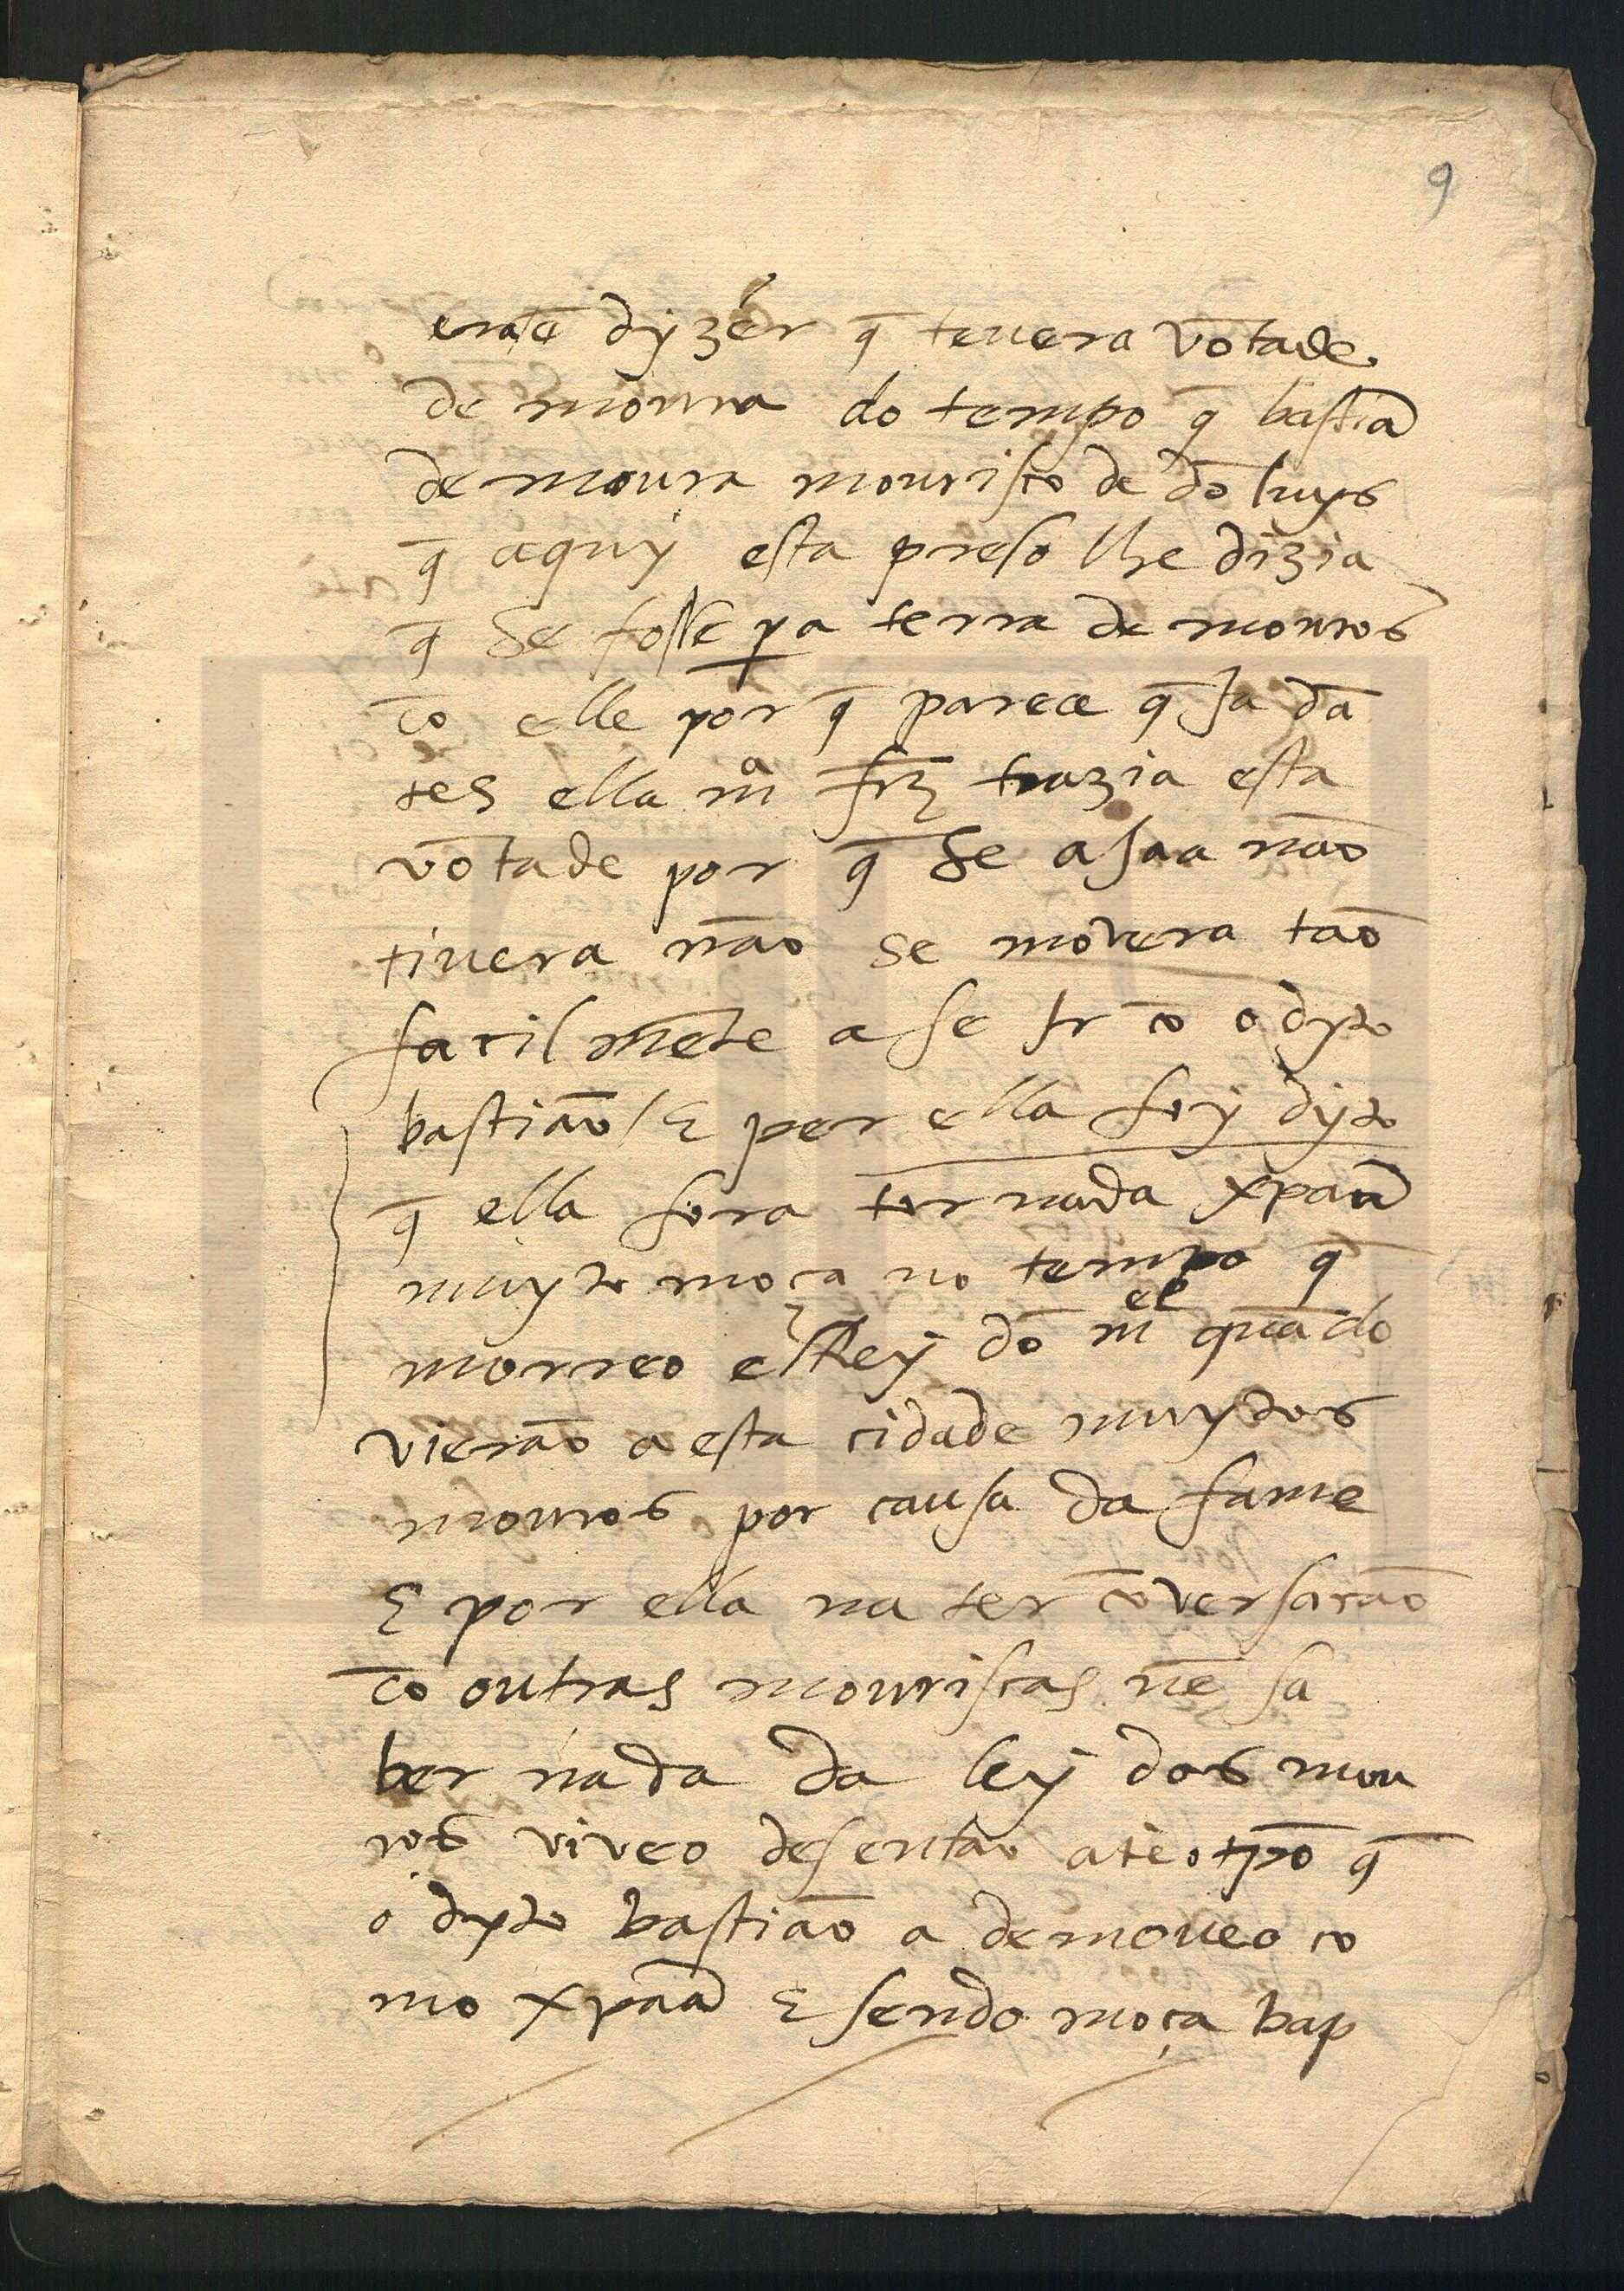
era ē dyzēr q̄ teuera vōtade
de moura do tempo q̄ bastiā
de moura mourisco de dō luys
q̄ aquy esta preso lhe dizia
q̄ se fosse ꝑa terra de mouros
cō elle porq̄ parece q̄ Ja dā
tes ella ma fr̄z trazia esta
vōtade porq̄ se a Jaa não
tiuera não se movera tão
facilmēte a se jr cō o dyto
bastião / E per ella foy dyto
q̄ ella fora tornada xpaā
muyto moça no tempo q̄
morreo el Rey dō mel qūado
vierão a esta cidade muytos
mouros por causa da fame
E por ella na ter cōversação
cō outras mouriscas nē sa
ber nada da ley dos mou
ros viveo des então ate o tp̄o q̄
o dyto bastião a demoveo co
mo xpāa E sendo moça bap
